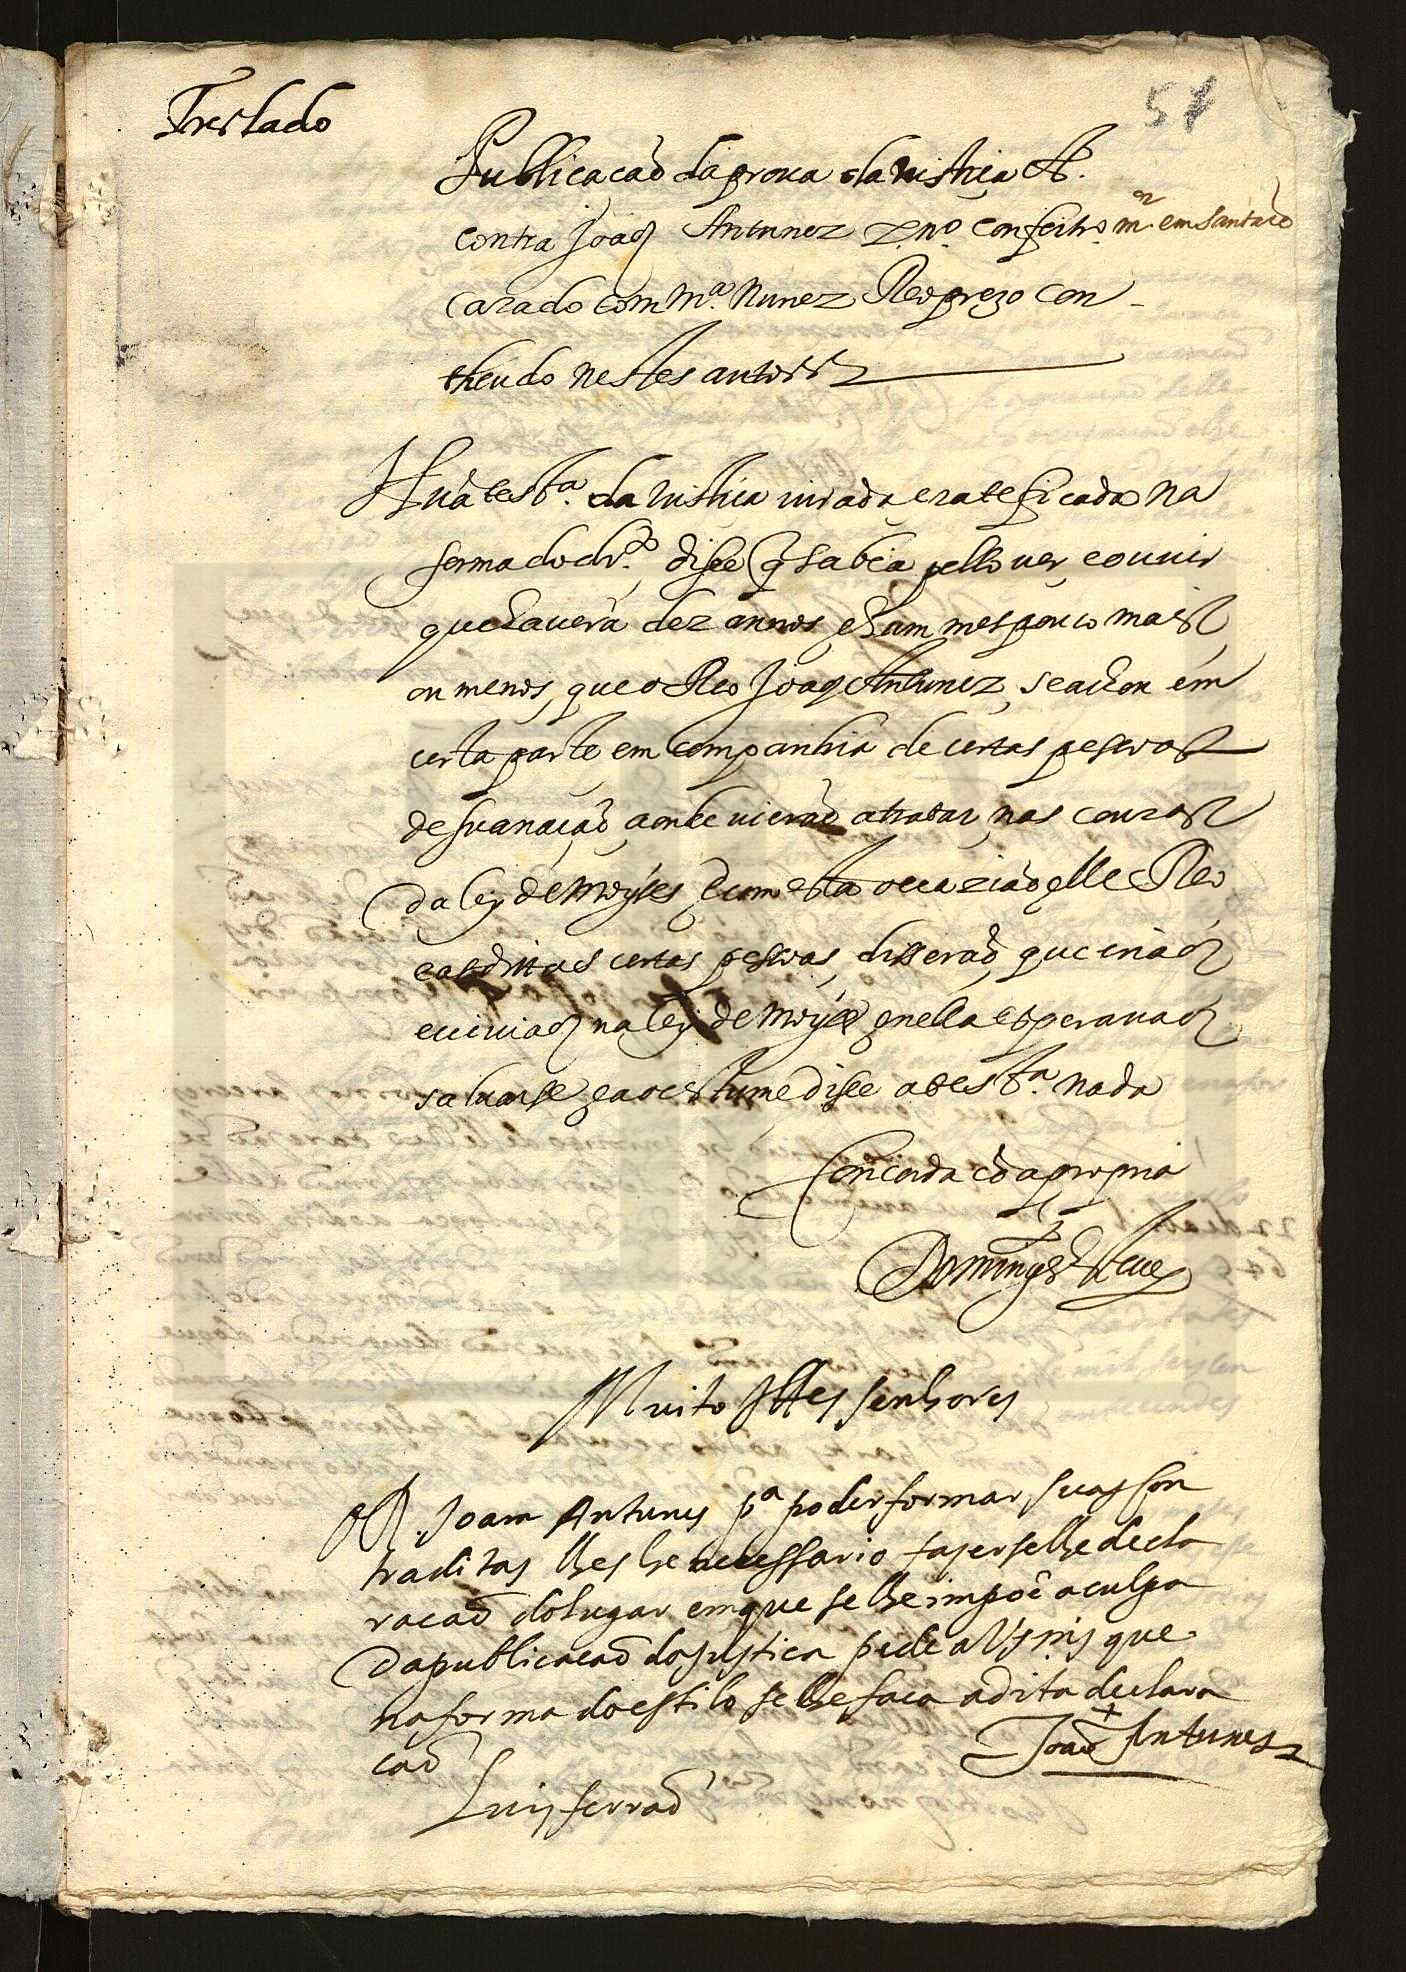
Treslado
Publicaçaõ da proua da iustiça A.
contra Joaõ Antunez x. n.o confeitr.o m.or em santarē
cazado com m.a nunez Reo prezo con
theudo nestes autos
Huā test.a da iustiça iurada e rateficada na
forma do dr.to, disse q̄ sabia pello uer, e ouuir
que hauerá dez annos e hum mes pouco mais,
ou menos, que o Reo Joaõ Antunez, se achou em
certa parte em companhia de certas pessoas
de sua naçaõ aonde uieraõ a tratar nas couzas
da ley de moyses, e com esta occaziaõ elle Reo
e as dittas certas pessoas, disseraõ, que criaõ
e uiuiaõ na ley de moyses e nella esperauaõ
saluarse e ao costume disse a test.a nada
Concorda cō a propria
Domingos esteues
Muito Jlles Senhores
O R. Joam Antunes pa poder formar suas Con
traditas lhes he necessario fazerselhe decla
raçaõ do lugar em que se lhe impoē a culpa
da publicaçaõ da justiça pede a Vs m̄s que
na forma do estilo se lhe faça a dita declara
çaõ
Joaõ Antunes
Luis ferraõ
